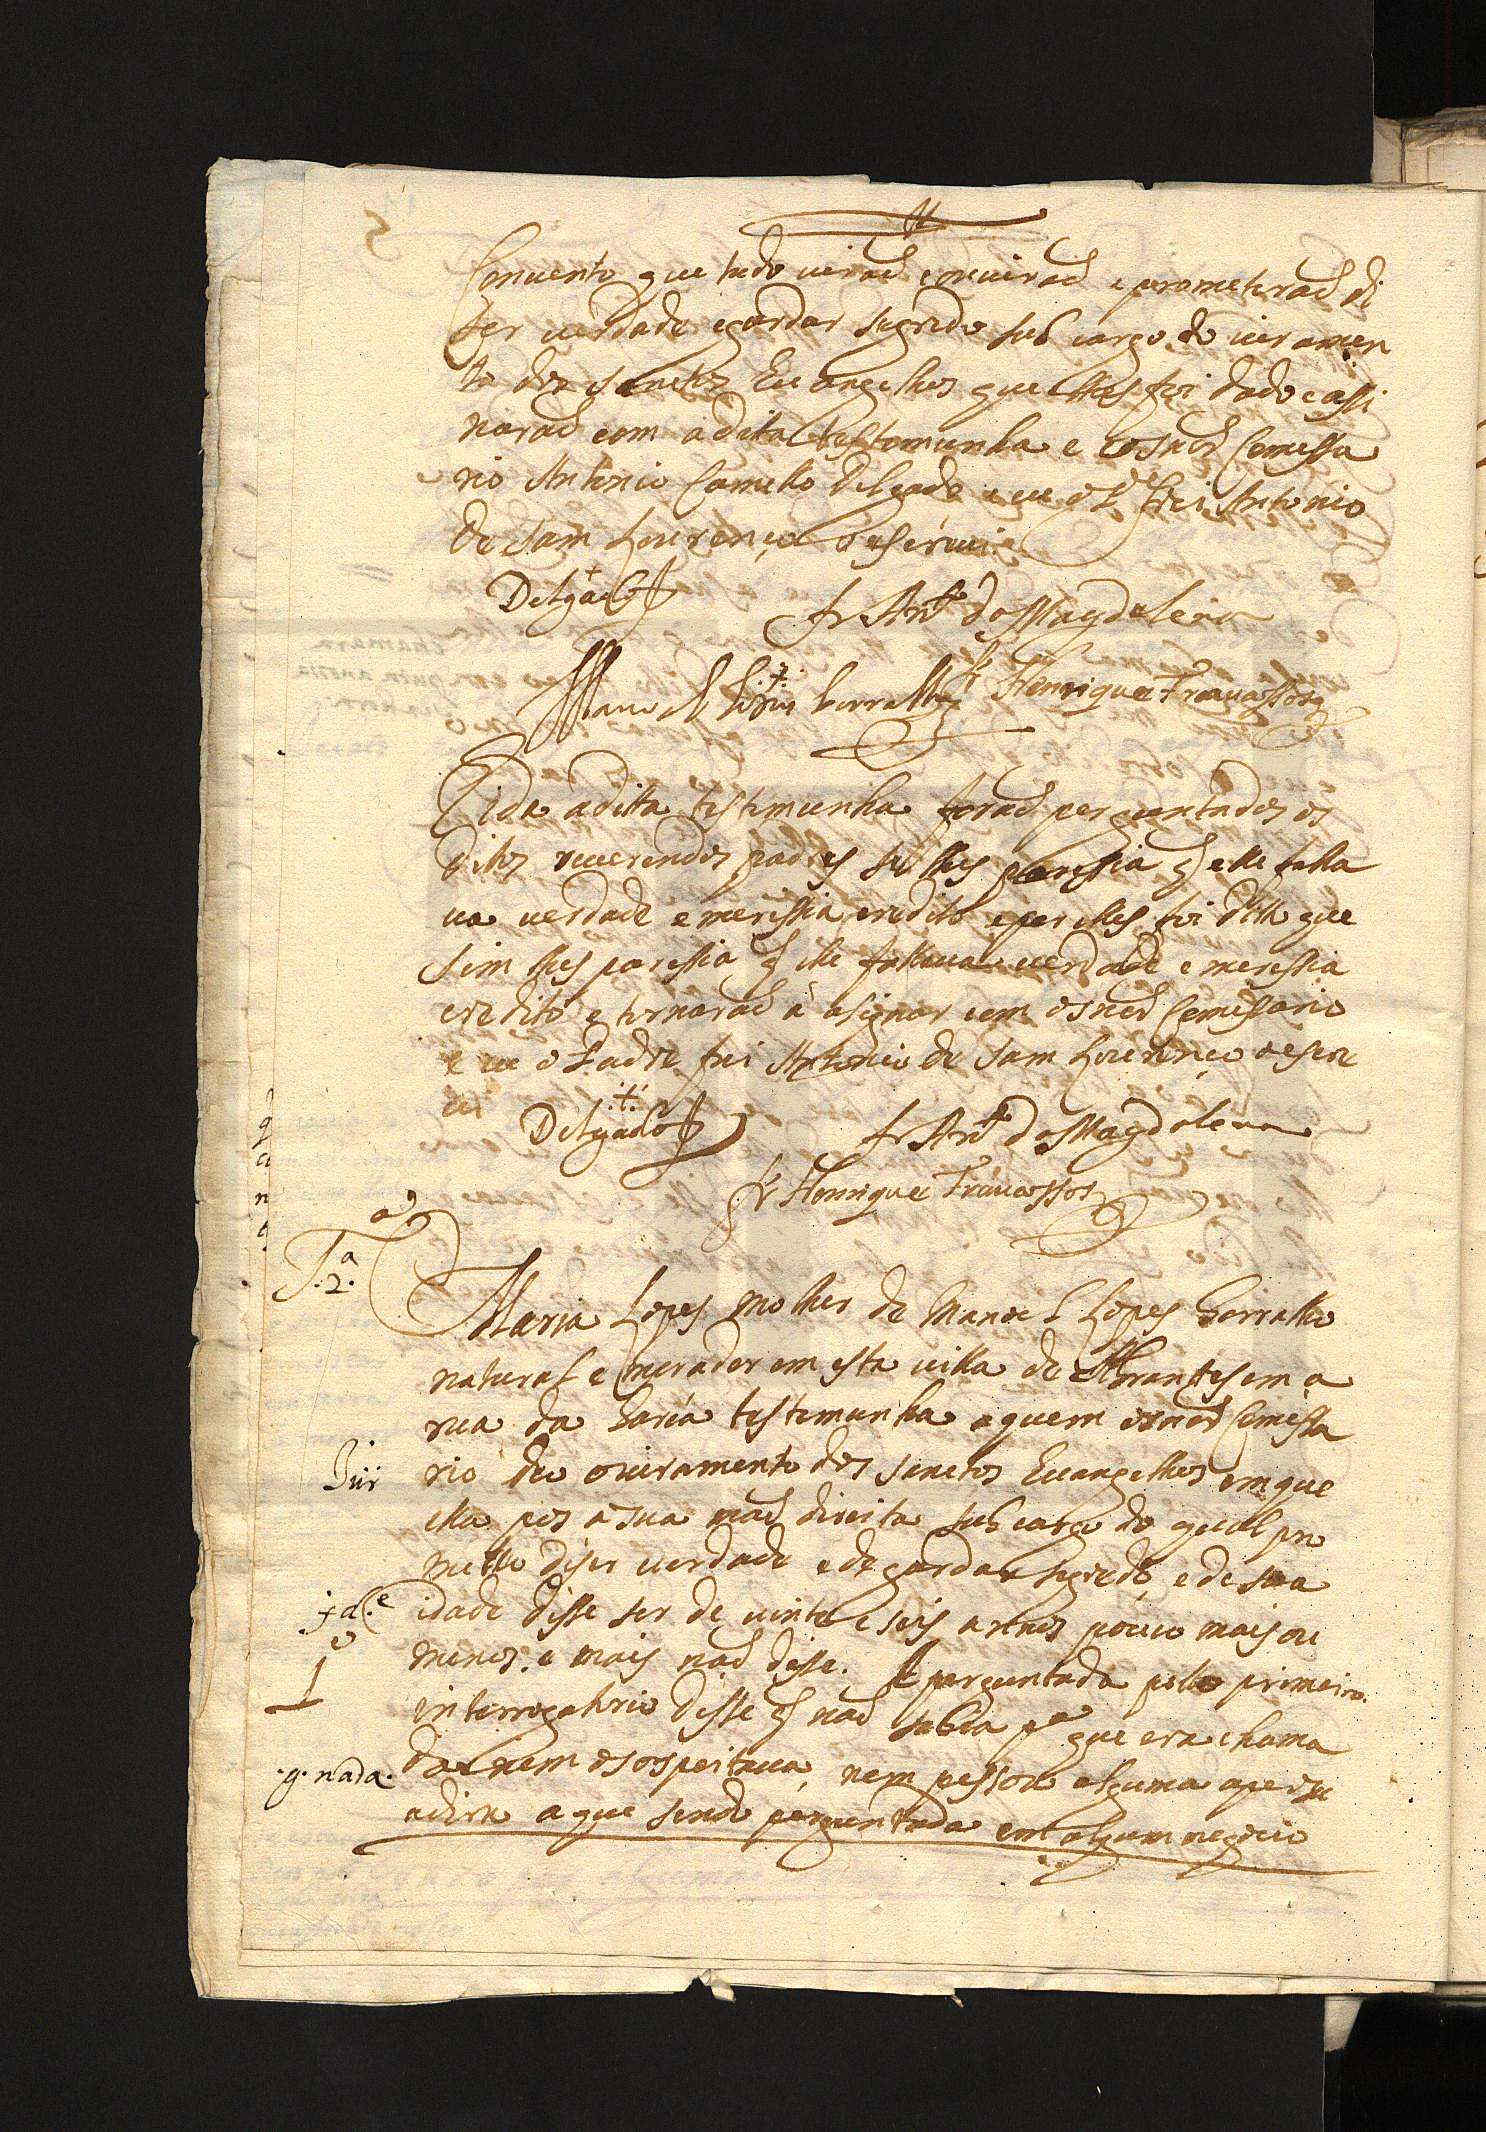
Conuento que tudo uiraõ e ouuiraõ, e prometeraõ di
ser uerdade e gordar segredo sob cargo do iuramen
to dos sanctos Euangelhos que lhes foi dado e assi
naraõ com a dita testemunha e o snor̄ Comissa
rio Antonio Camello Delgado, e eu o Pe frei Antonio
de Sam Lourenço o escreui
Delgado
fr Anto da Magdalena
Manoel Lopes borralho
Henrique Trauassos
E ida a ditta testemunha foraõ perguntados os
ditos reuerendos padres se lhes paressia q̄ elle falla
ua uerdade e meressia credito e por elles foi ditto que
sim lhes paressia q̄ elle falaua uerdade, e meressia
credito e tornaraõ a asignar com o snor Comissario
e eu o Padre frei Antonio de Sam Lourenço o escre
Delgado
ui
fr Anto da Magdalena
fr Henrique Trauassos
T.a 2.a
Maria Lopes molher de Manoel Lopes Borralho
natural e morador em esta uilla de Abrantes em a
rua da barca testemunha a quem o snor̄ Comissa
rio deu o iuramento dos sanctos Euangelhos em que
Jur
ella pos a sua maõ direita sub cargo do qual pro
meteo diser uerdade e de gordar segredo, e de sua
idade disse ser de uinte e seis annos pouco mais ou
menos, e mais naõ disse. E perguntada pello primeiro.
interrogatorio disse q̄ naõ sabia pa que era chama
g. nada.
da nem o sospeitaua nem pessoa alguma a persu
adira a que sendo perguntada em algum negocio
